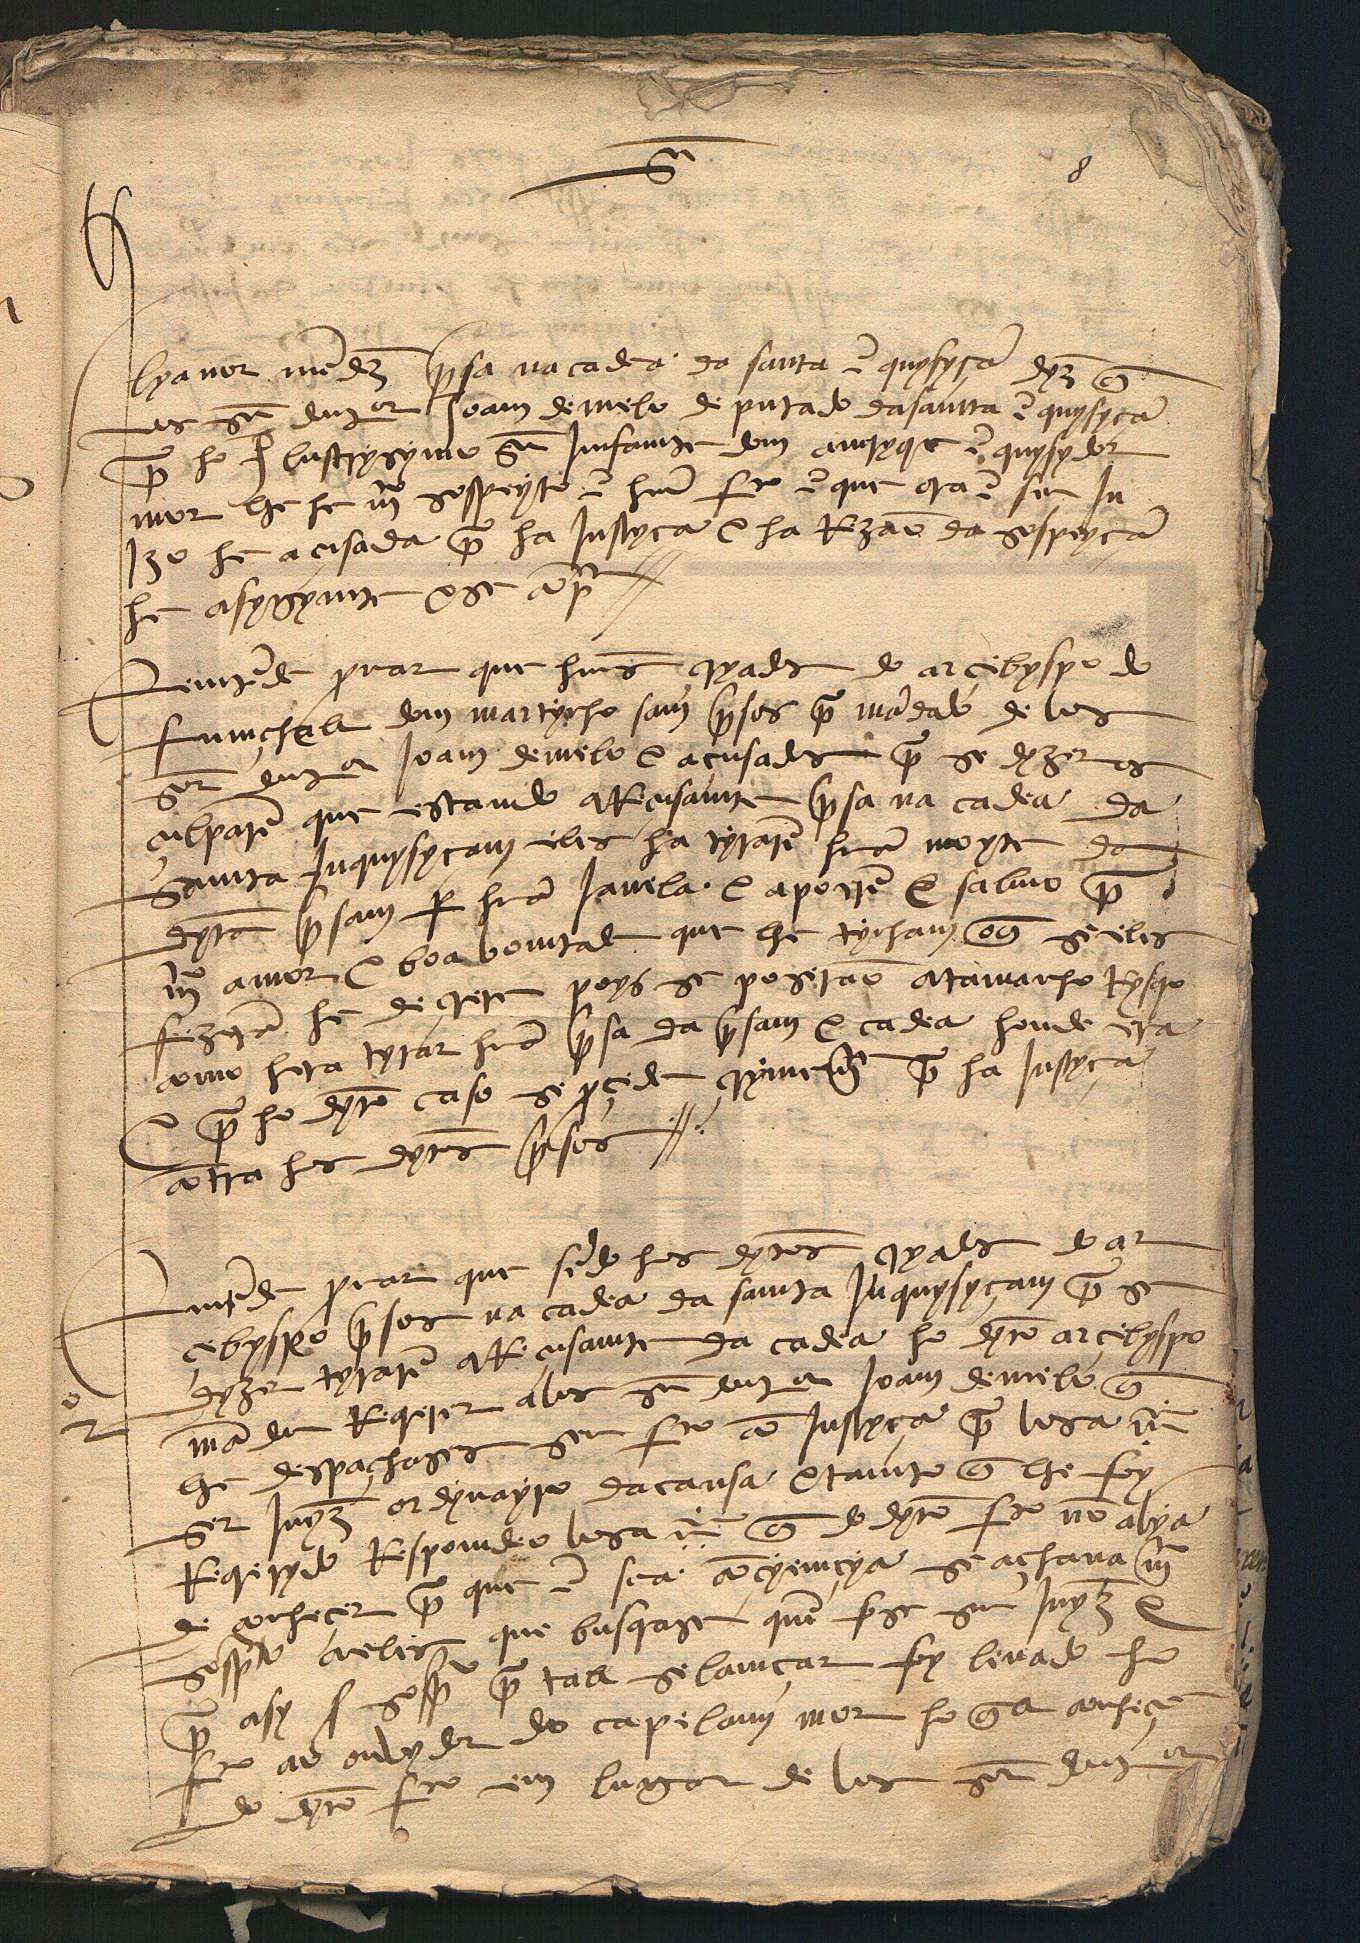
S̄or
Rꝭ
lyanor mēdez p̄sa na cadea da santa ēquysyçā dyz q̄
vos s̄or doutor Joam de melo deputado da samta ēquysyçā
p̄o ho Jlustrysymo s̄or Jmfamte dom amryqe ēquysydor
mor lhe he mto sospeyto ē hū fto ē que ora ē seu Ju
Jzo he acusada p̄o ha Justiça e ha Rezão da sospeyçā
he a sygymte e se c̄opr //
E emtēde ꝓuar que huūs cryados do arcebyspo do
fumchall dom martynho sam p̄sos p̄o mādado de vos
s̄or doutor Joam de melo e acusados p̄o se dyzer os
culparē que estamdo a Recusamte p̄sa na cadea da
samta Jmquysyçam elles ha tyrarē huā noyte da
dyta p̄sam ꝑ huā Janela. e a poerē ē saluio p̄o
mto amor e boa vomtade que lhe tynham o q̄ se eles
fezerā he de crere poys se poserão a tamanho Rysqo
como era tyrar hūa p̄sa da p̄sam e cadea honde era
e p̄o ho dyto caso se ꝓçede çrymemte p̄o ha Justyçā
c̄otra hos dytos p̄sos .//.
Emtēde ꝓuar que sēdo hos dytos cryados do ar
cebyspo p̄sos na cadea da samta Jnquysyçam p̄o se
dyzer tyrarē a Recusamte da cadea ho dyto arcebyspo
mādou Reqerer a vos s̄or doutor Joam de melo q̄
2
lhe despachases seu fto c̄o Justyça p̄o vosa m̄
ser Juȳz ordynaryo da causa e tamto q̄ lhe foy
Reqerydo Respomdeo vosa m̄ q̄ do dyto fto n̄o avya
de conhecer p̄oque ē sua c̄ocyemcya se achaua mto
sospto a eles que busqase quē fose seu Juȳz e
p̄o asy ꞩ sospto p̄o tall se lamçar foy leuado ho
fto ao ouvydor do capelam mor ho q̄ll conheceo
do dyto fto em lugar de vos s̄or doutor
